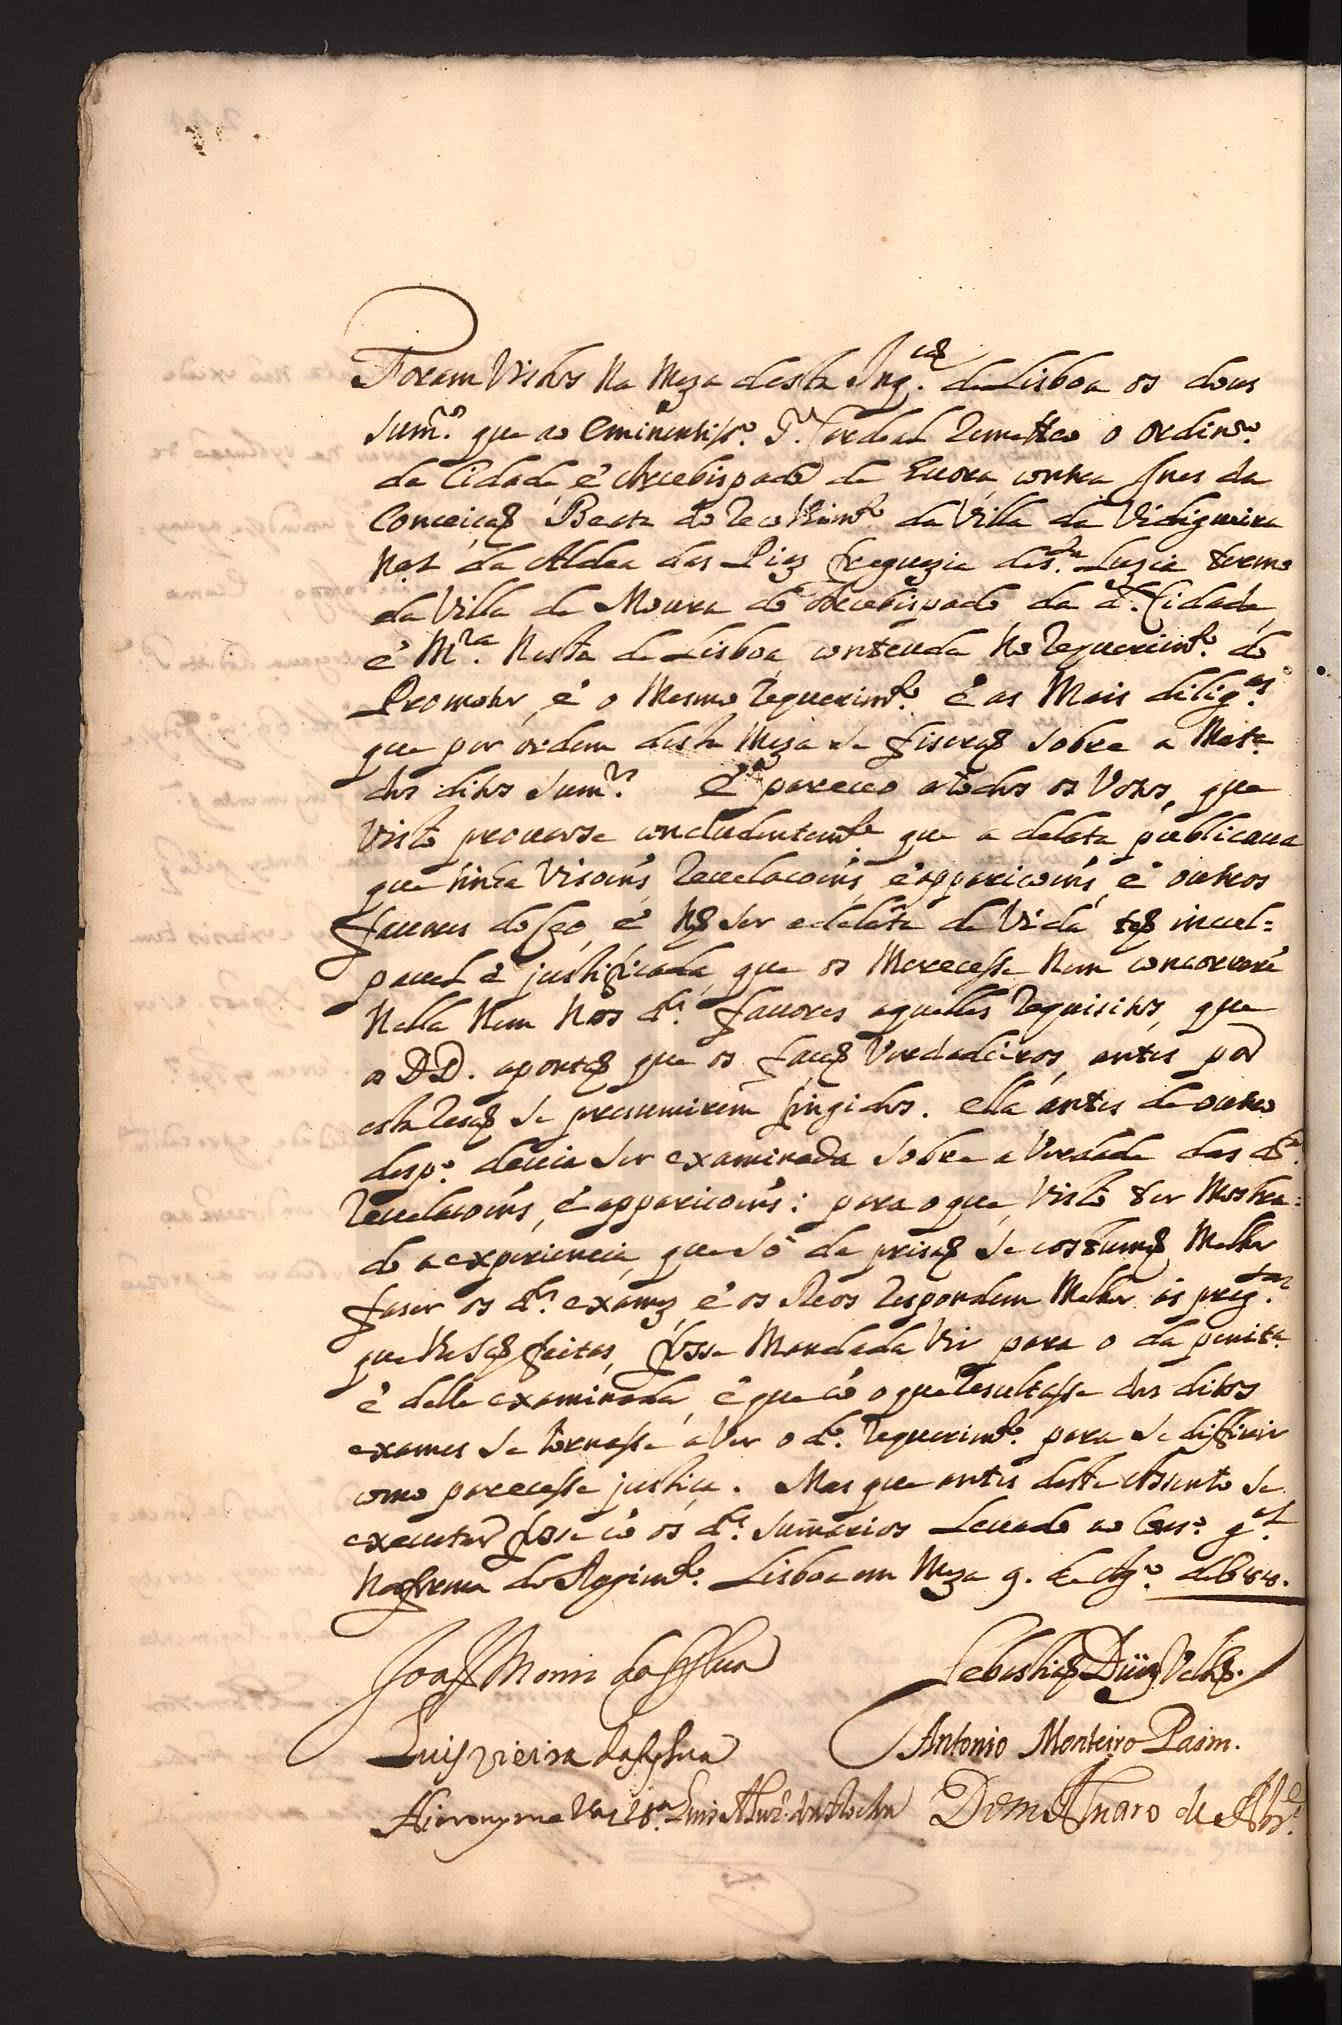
Foram Vistos na Meza desta Inq.çaõ de Lisboa os dous
Sum.ros que ao Eminentiss.o s.or Cardeal Remetteo o Ordin.ro
da Cidade e Arcebispado de Euora contra Jnes da
Conceiçaõ Beata do Recolhim.to da Villa da Vidigueira
n.al da Aldea das Piaz freguezia de s.ta Luzia, termo
da Villa de Moura do Arcebispado da d̄.a Cidade
e M.ra nesta de Lisboa conteuda no Requerim.to do
Promotor, e o mesmo Requerim.to, e as mais dilig.as
que por ordem desta Meza se fiseraõ sobre a mat.a
dos ditos Sum.os E pareceo a todos os Votos, que
Visto prouarse concludentem.te que a delata publicaua
que tinha visoins, Reuelaçoins, e appariçoins, e outros
fauores do Ceo, e nā ser a delata de Vida, taõ incul
pauel, e justificada que os merecesse nem concorrerē
nella nem nos d.s fauores aquelles Requisitos, que
os DD. apontaõ que os façaõ verdadeiros, antes por
esta Rezaõ se presumirem fingidos. ella antes de outro
desp.o deuia ser examinada sobre a verdade das d.s
Reuelaçoins, e appariçoins: para o que, visto ter mostra
do a experiencia, que só da prisaõ se costumaõ melhor
faser os d̄.s examez, e os Reos Respondem Melhor ás preg.tas
que lhe saõ feitas, fosse mandada vir para o da penit.a
e delle examinada, e que cō o que Resultasse dos ditos
exames se tornasse a ver o d.o Requerim.to para se diffirir
como parecesse justiça. Mas que antes deste Assento se
executar fosse cō os d.s sumarios Leuado ao Cons.o g.al
na forma do Regimto. Lisboa em Meza 9. de Ag.o de 688.
Joaõ Moniz da Sylua
Sebastiaõ Diniz Velho
Antonio Monteiro Paim.
Luis Vieira da Sylua
Hieronymo Vaz Vr.a
Luis Aluz̄ da Rocha
Dom Aluaro de Abr.es
